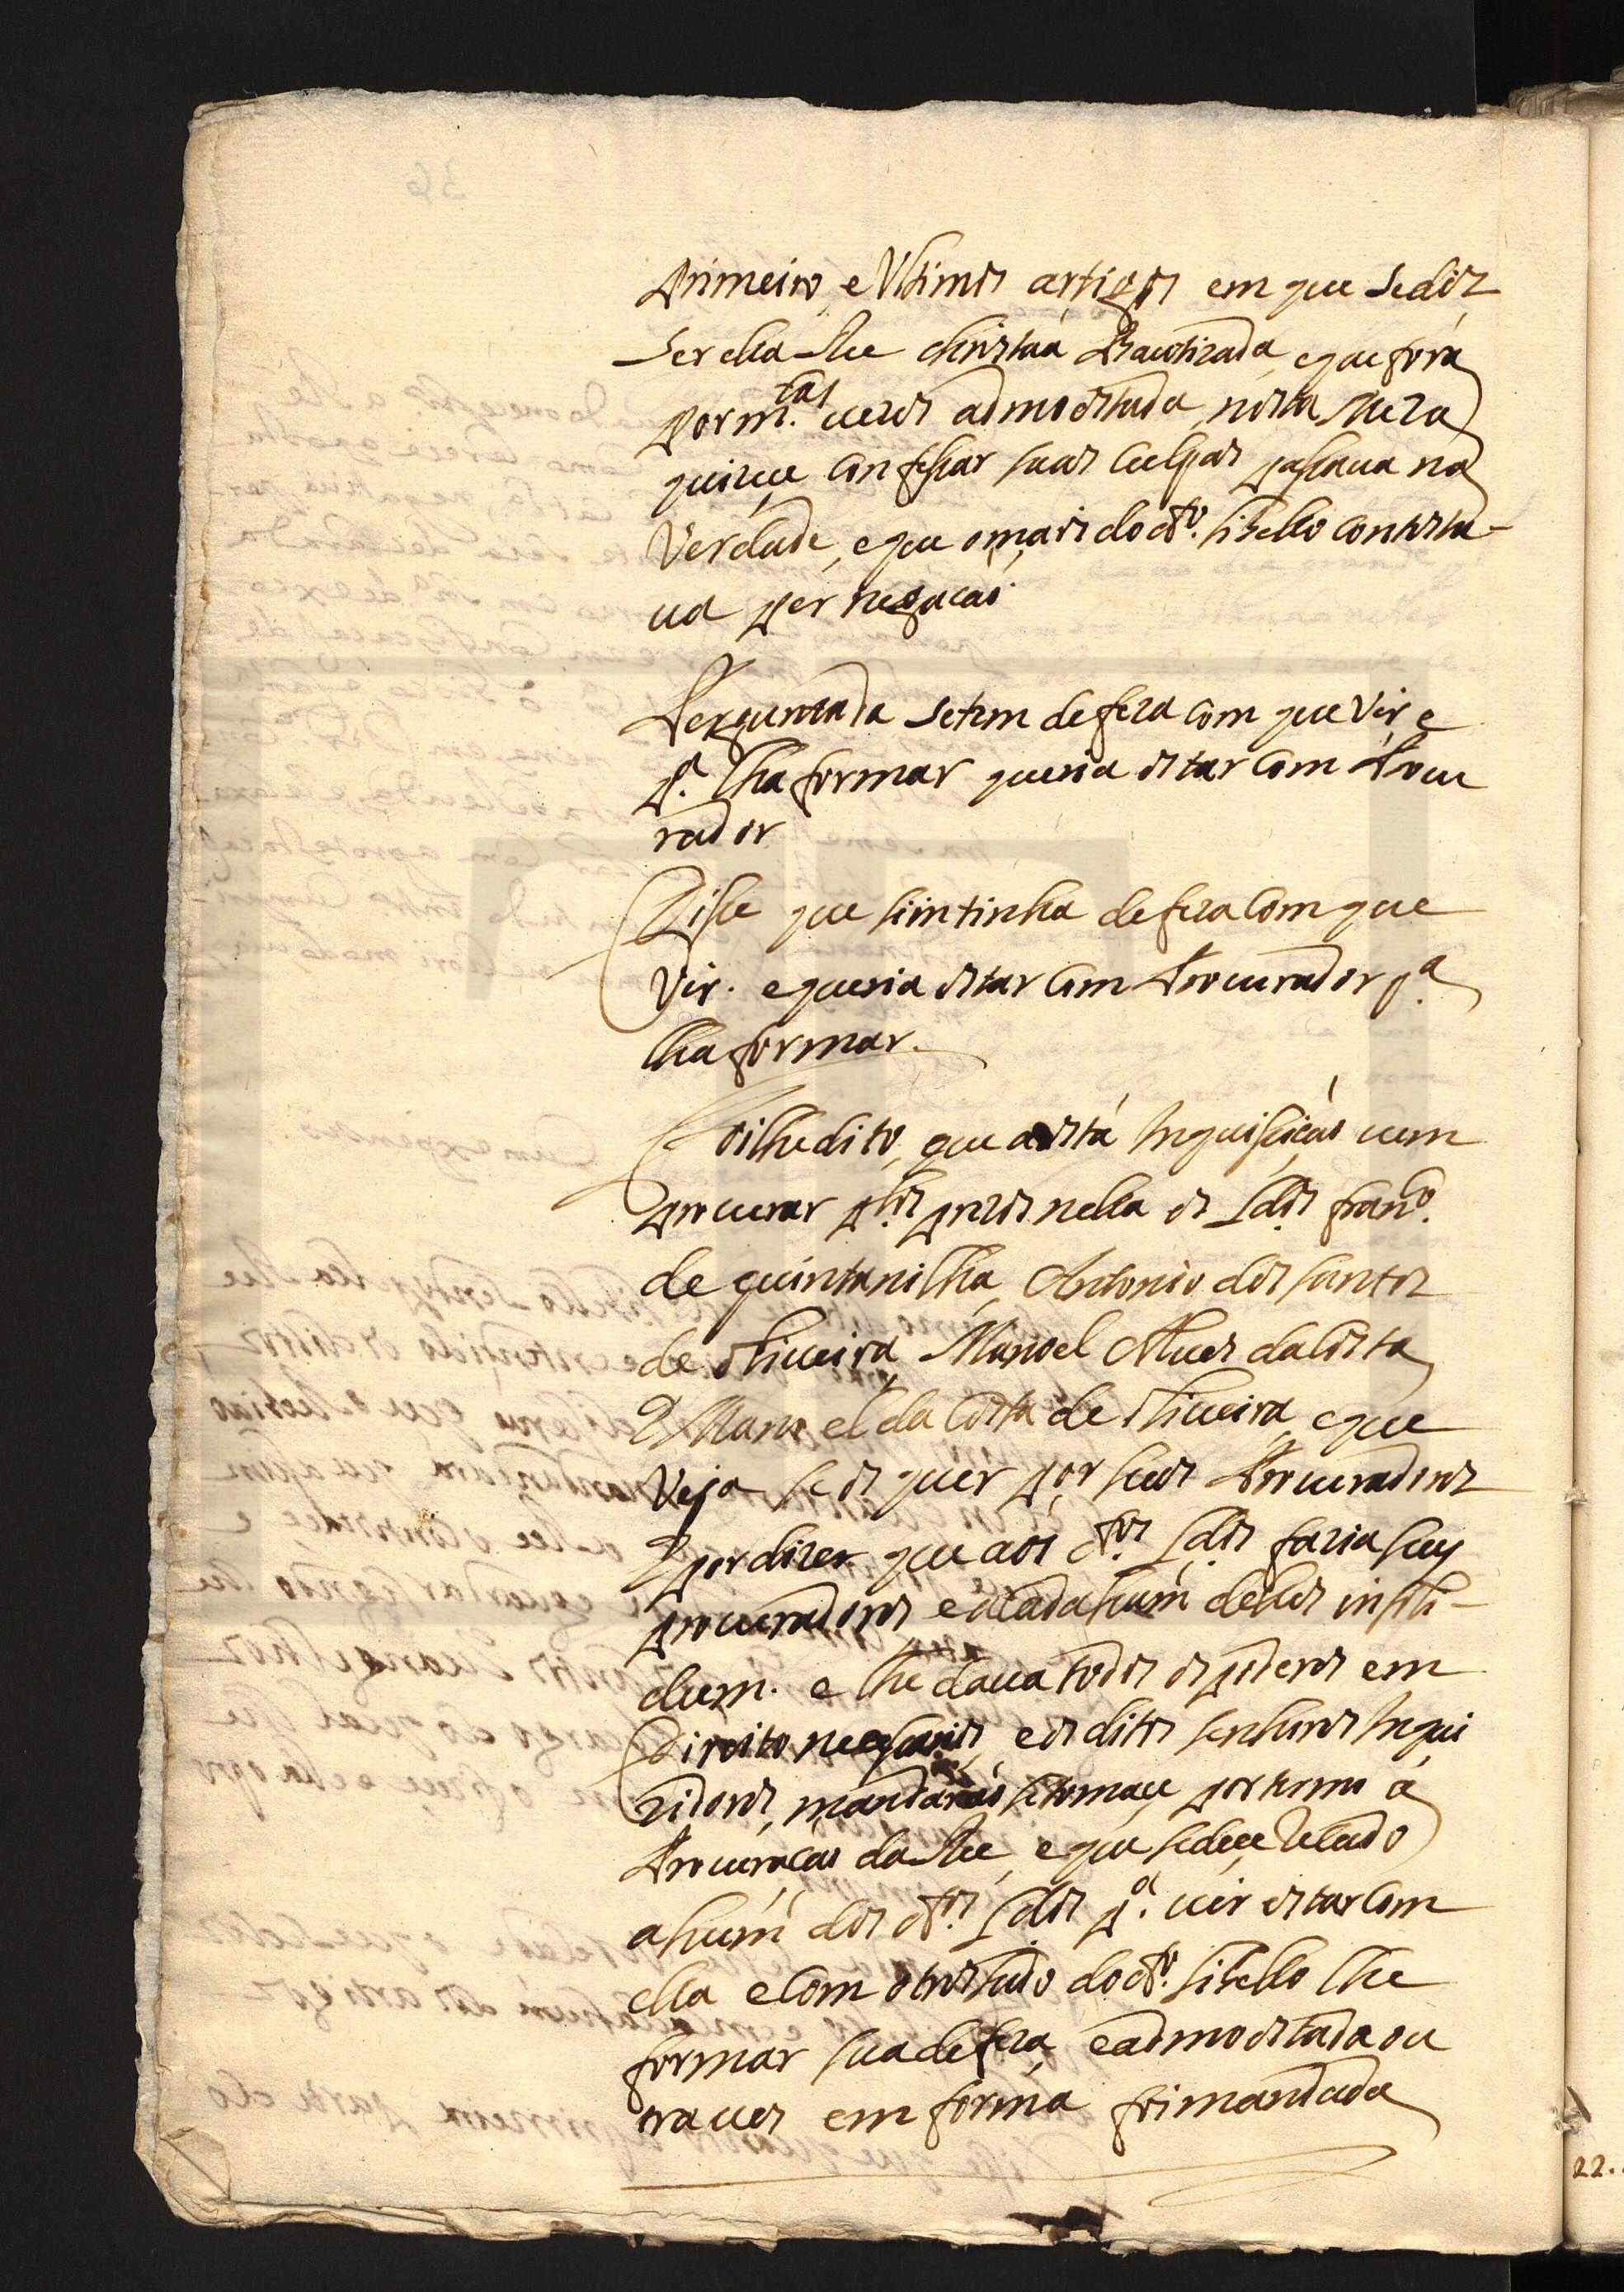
Primeiro, e Vltimos artigos em que se diZ,
Ser ella Ree christaã Bautizada, e que fora
por m.tas uezes admoestada, nesta meza
quizece confessar suas culpas passaua na
Verdade, e que o mais do d̄o. libello contesta
ua por negaçaõ.
Perguntada se tem defeza com que vir, e
p.a lha formar queria estar com Procu
rador
Disse que sim tinha defeza com que
Vir; e queria estar com Procurador p.a
lha formar.
Foi lhe dito, que a esta Inquissiçaõ uem
procurar p.los prezos nella os Ld.os fran.co
de quintanilha, Antonio dos santoz
de oliueira, Manoel Alues da Costa
E Manoel da Costa de oliueira, e que
veja se os quer por seus Porcuradorez
E por dizer que aos d.tos Ld.os fazia seus
procuradores, e a cada hum delles insoli
dum. e lhe daua todos os poderes em
direito necessarios, e os ditos senhores Inqui
zidores, mandaraõ se tomace por termo a
Procuraçaõ da Ree, e que se dece Recado
a hum dos dt̄.os L.dos p.a uir estar com
ella e com o treslado do dt̄.o libello lhe
formar sua defeza, e admoestada ou
tra uez em forma foi mandada
